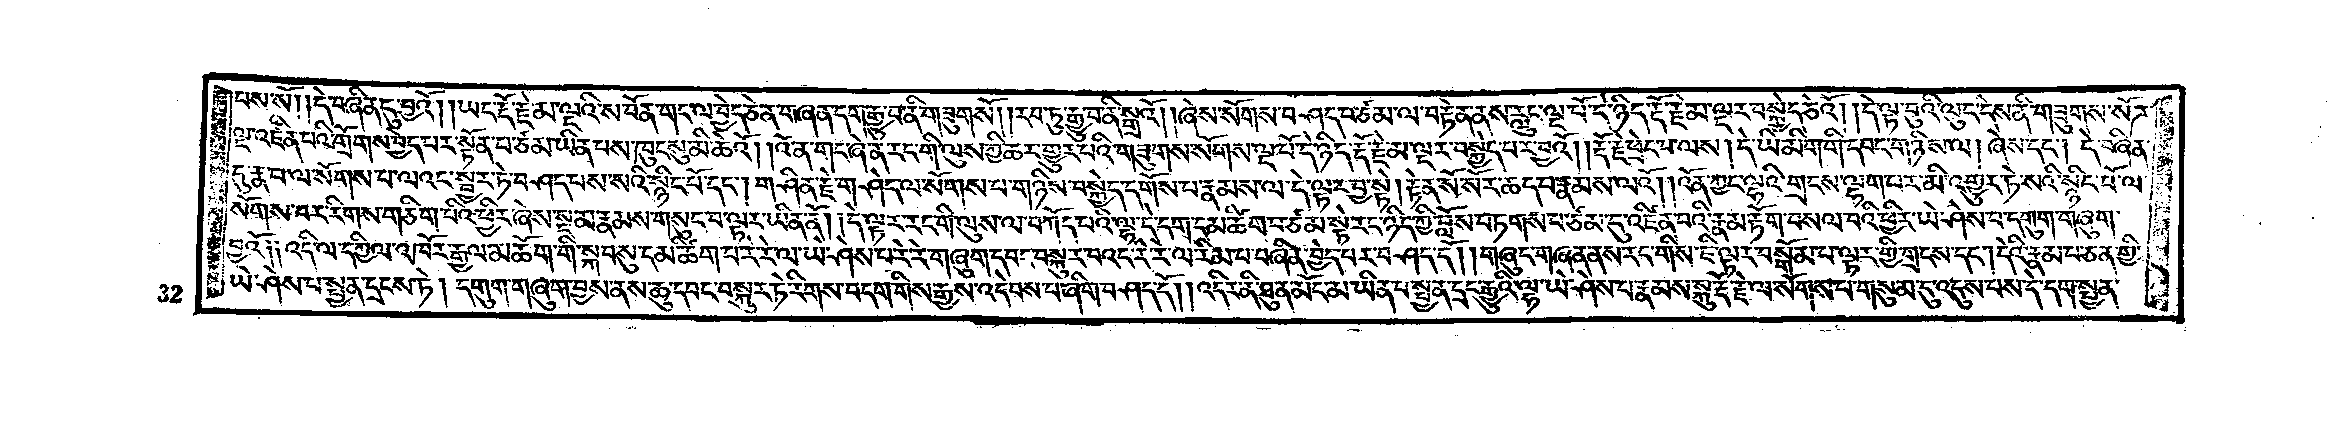པས་སོ། །དེ་བཞིན་དུ་བྱའོ། །ཡང་རྡོ་རྗེ་མ་ལྔའི་ས་བོན་གང་ལ་བྱེད་ཅེ་ན་གཞན་དག་རྒྱུ་བ་ནི་གཟུགས་སོ། །རབ་ཏུ་རྒྱུ་བ་ནི་སྒྲའོ། །ཞེས་སོགས་བཤད་པ་ཙམ་ལ་བརྟེན་ནས་རླུང་ལྔ་པོ་དེ་ཉིད་རྡོ་རྗེ་མ་ལྔར་བསྐྱེད་ཅེའོ། །དེ་ལྟ་བུའི་ལུང་དེས་ནི་གཟུགས་སོགས་
ལྔ་འཛིན་པའི་གྲོགས་བྱེད་པར་སྟོན་པ་ཙམ་ཡིན་པས་ཁུངས་སུ་མི་ཆེའོ། །འོ་ན་གང་ཞེ་ན་རང་གི་ལུས་ཀྱི་ཆར་གྱུར་པའི་གཟུགས་སོགས་ལྔ་པོ་དེ་ཉིད་རྡོ་རྗེ་མ་ལྔར་བསྐྱེད་པར་བྱའོ། །རྡོ་རྗེ་ཕྲེང་བ་ལས། དེ་ཡི་མིག་གི་དབང་གཉིས་ལ། ཞེས་དང་། དེ་བཞིན་
དུ་རྣ་བ་ལ་སོགས་པ་ལའང་སྦྱར་ཏེ་བཤད་པས་སའི་སྙིང་པོ་དང་། གཤིན་རྗེ་གཤེད་ལ་སོགས་པ་གཉིས་བསྐྱེད་དགོས་པ་རྣམས་ལ་དེ་ལྟར་བྱ་སྟེ། རྟེན་སོ་སོར་ཆད་པ་རྣམས་ལའོ། །འོན་ཀྱང་ལྷའི་གྲངས་ལྷག་པར་མི་འགྱུར་ཏེ་སའི་སྙིང་པོ་ལ་
སོགས་བར་རིགས་གཅིག་པའི་ཕྱིར་ཞེས་སྔ་མ་རྣམས་གསུང་བ་ལྟར་ཡིན་ནོ། །དེ་ལྟར་རང་གི་ལུས་ལ་བཀོད་པའི་ལྷ་དེ་དག་དམ་ཚིག་པ་ཙམ་སྟེ་རང་ཉིད་ཀྱི་བློས་བཏགས་པ་ཙམ་དུ་འཛིན་པའི་རྣམ་རྟོག་བསལ་བའི་ཕྱིར་ཡེ་ཤེས་པ་དགུག་གཞུག་
བྱའོ༑ ༑འདི་ལ་དཀྱིལ་འཁོར་རྒྱལ་མཆོག་གི་སྐབས་སུ་དམ་ཚིག་པ་རེ་རེ་ལ་ཡེ་ཤེས་པ་རེ་རེ་གཞུག་དབང་བསྐུར་བའང་རེ་རེ་ལ་རིམ་པ་བཞིན་བྱེད་པར་བཤད་དོ། །གཞུང་གཞན་ནས་རང་གིས་ཇི་ལྟར་བསྒོམ་པ་ལྟར་གྱི་གྲངས་དང་། དེའི་རྣམ་པ་ཅན་གྱི་
ཡེ་ཤེས་པ་སྤྱན་དྲངས་ཏེ། དགུག་གཞུག་བྱས་ནས་ཆུ་དབང་བསྐུར་ཏེ་རིགས་བདག་གིས་རྒྱས་འདེབས་པ་ཞིག་བཤད་དོ། །འདིར་ནི་ཐུན་མོང་མ་ཡིན་པ་སྤྱན་དྲངས་རྒྱུའི་ལྷ་ཡེ་ཤེས་པ་རྣམས་སྐུ་རྡོ་རྗེ་ལ་སོགས་པ་གསུམ་དུ་འདུས་པས་དེ་དག་སྤྱན་